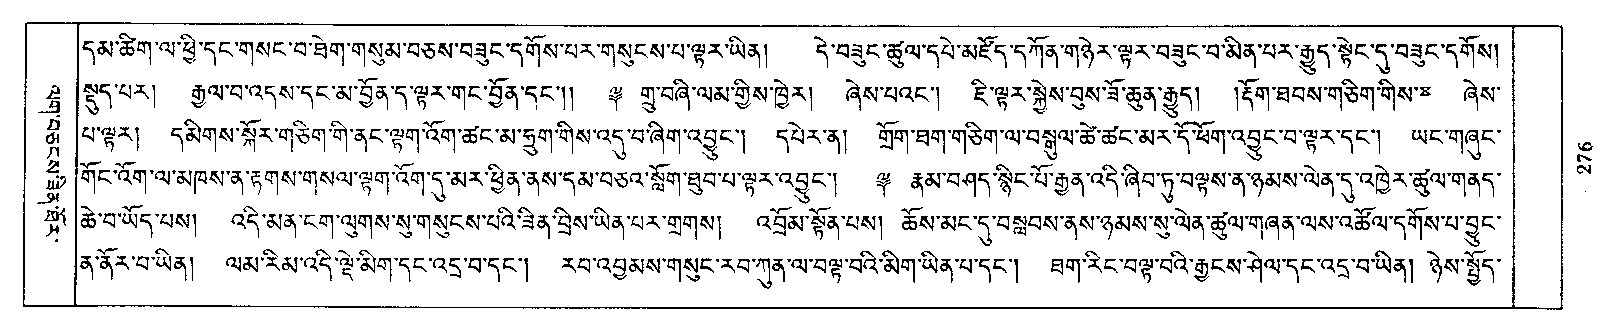དམ་ཚིག་ལ་ཕྱི་དང་གསང་བ་ཐེག་གསུམ་བཅས་བཟུང་དགོས་པར་གསུངས་པ་ལྟར་ཡིན། དེ་བཟུང་ཚུལ་དཔེ་མཛོད་དཀོན་གཉེར་ལྟར་བཟུང་བ་མིན་པར་རྒྱུད་སྟེང་དུ་བཟུང་དགོས།
སྡུད་པར། རྒྱལ་བ་འདས་དང་མ་བྱོན་ད་ལྟར་གང་བྱོན་དང།། ༈ གྲུ་བཞི་ལམ་གྱིས་ཁྱེར། ཞེས་པའང་། ཇི་ལྟར་སྐྱེས་བུས་ཟོ་ཆུན་རྒྱུད། །རྡོག་ཐབས་གཅིག་གིས་྾་ཞེས་
པ་ལྟར། དམིགས་སྐོར་གཅིག་གི་ནང་ལྟག་འོག་ཚང་མ་ཧྲུག་གིས་འདུ་བ་ཞིག་འབྱུང་། དཔེར་ན། གྲོག་ཐག་གཅིག་ལ་བསྒུལ་ཚེ་ཚང་མར་དོ་ཕོག་འབྱུང་བ་ལྟར་དང་། ཡང་གཞུང་
གོང་འོག་ལ་མཁས་ན་རྟགས་གསལ་ལྟག་འོག་ཏུ་མར་ཕྱིན་ནས་དམ་བཅའ་སློག་ཐུབ་པ་ལྟར་འབྱུང་། ༈ རྣམ་བཤད་སྙིང་པོ་རྒྱན་འདི་ཞིབ་ཏུ་བལྟས་ན་ཉམས་ལེན་དུ་འཁྱེར་ཚུལ་གནད་
ཆེ་བ་ཡོད་པས། འདི་མན་ངག་ལུགས་སུ་གསུངས་པའི་ཟིན་བྲིས་ཡིན་པར་གྲགས། འབྲོམ་སྟོན་པས། ཆོས་མང་དུ་བསླབས་ནས་ཉམས་སུ་ལེན་ཚུལ་གཞན་ལས་འཚོལ་དགོས་པ་བྱུང་
ན་ནོར་བ་ཡིན། ལམ་རིམ་འདི་ལྡེ་མིག་དང་འདྲ་བ་དང་། རབ་འབྱམས་གསུང་རབ་ཀུན་ལ་བལྟ་བའི་མིག་ཡིན་པ་དང་། ཐག་རིང་བལྟ་བའི་རྒྱངས་ཤེལ་དང་འདྲ་བ་ཡིན། ཉེས་སྤྱོད་